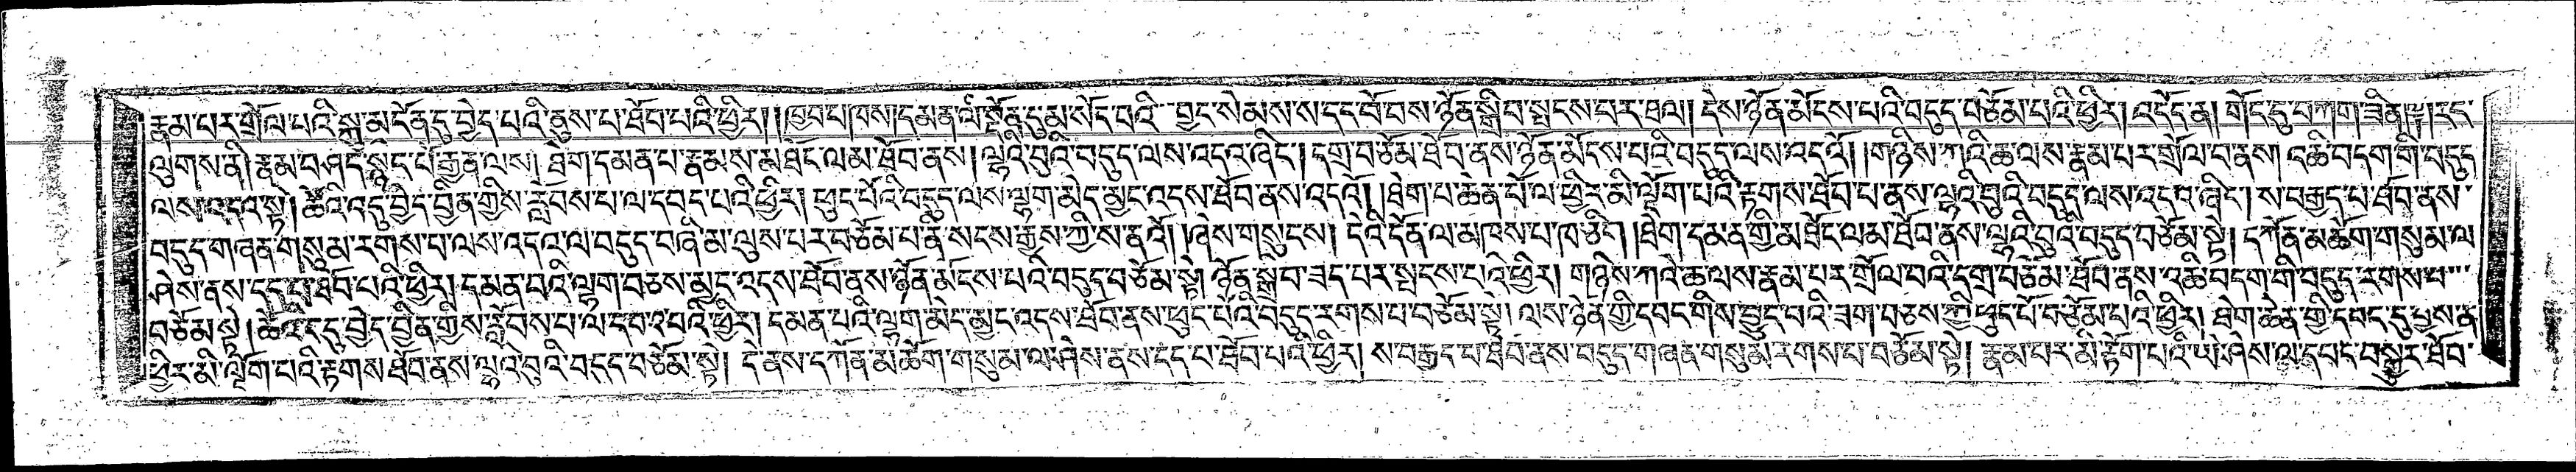རྣམ་པར་གྲོལ་པའི་སྐུ་མངོན་དུ་བྱེད་པའི་ནུས་པ་ཐོབ་པའི་ཕྱིར། །ཁྱབ་པ་ཁས། དམན་ལམ་སྔོན་དུ་མ་སོང་བའི་བྱང་སེམས་ས་དང་པོ་བས་ཉོན་སྒྲིབ་སྤངས་པར་ཐལ། དེས་ཉོན་མོངས་པའི་བདུད་བཅོམ་པའི་ཕྱིར། འདོད་ན། གོང་དུ་བཀག་ཟིན། ༈ །རང་
ལུགས་ནི། རྣམ་བཤད་སྙིང་པོ་རྒྱན་ལས། ཐེག་དམན་པ་རྣམས་མཐོང་ལམ་ཐོབ་ནས། ལྷའི་བུའི་བདུད་ལས་འདའ་ཞིང་། དགྲ་བཅོམ་ཐོབ་ནས་ཉོན་མོངས་པའི་བདུད་ལས་འདའོ། །གཉིས་ཀའི་ཆ་ལས་རྣམ་པར་གྲོལ་བ་ནས། འཆི་བདག་གི་བདུད་
ལས་འདའ་སྟེ། ཚེའི་འདུ་བྱེད་བྱིན་གྱིས་རློབས་པ་ལ་དབང་པའི་ཕྱིར། ཕུང་པོའི་བདུད་ལས་ལྷག་མེད་མྱང་འདས་ཐོབ་ནས་འདའོ། །ཐེག་པ་ཆེན་པོ་ལ་ཕྱིར་མི་ལྡོག་པའི་རྟགས་ཐོབ་པ་ནས་ལྷའི་བུའི་བདུད་ལས་འདའ་ཞིང་། ས་བརྒྱད་པ་ཐོབ་ནས་
བདུད་གཞན་གསུམ་རགས་པ་ལས་འདའ་ལ་བདུད་བཞི་མ་ལུས་པར་བཅོམ་པ་ནི་སངས་རྒྱས་ཀྱི་ས་ནའོ། །ཞེས་གསུངས། དེའི་དོན་ལ་མཁས་པ་ཁ་ཅིག །ཐེག་དམན་གྱི་མཐོང་ལམ་ཐོབ་ནས་ལྷའི་བུའི་བདུད་བཅོམ་སྟེ། དཀོན་མཆོག་གསུམ་ལ་
ཤེས་ནས་དད་པ་ཐོབ་པའི་ཕྱིར། དམན་པའི་ལྷག་བཅས་མྱང་འདས་ཐོབ་ནས་ཉོན་མོངས་པའི་བདུད་བཅོམ་སྟེ། ཉོན་སྒྲིབ་ཟད་པར་སྤངས་པའི་ཕྱིར། གཉིས་ཀའི་ཆ་ལས་རྣམ་པར་གྲོལ་བའི་དགྲ་བཅོམ་ཐོབ་ནས་འཆི་བདག་གི་བདུད་རགས་པ་
བཅོམ་སྟེ། ཆོའི་འདུ་བྱེད་བྱིན་གྱིས་རློས་པ་ལ་དབང་པའི་ཕྱིར། དམན་པའི་ལྷག་མེད་མྱང་འདས་ཐོབ་ནས་ཕུང་པོའི་བདུད་རགས་པ་བཅོམ་སྟེ། ལས་ཉོན་གྱི་དབང་གིས་བྱུང་བའི་ཟག་བཅས་ཀྱི་ཕུང་པོ་བཅོམ་པའི་ཕྱིར། ཐེག་ཆེན་གྱི་དབང་དུ་བྱས་ན་
ཕྱིར་མི་ལྡོག་པའི་རྟགས་ཐོབ་ནས་ལྷའི་བུའི་བདུད་བཅོམ་སྟེ། དེ་ནས་དཀོན་མཆོག་གསུམ་ལ་ཤེས་ནས་དད་པ་ཐོབ་པའི་ཕྱིར། ས་བརྒྱད་པ་ཐོབ་ནས་བདུད་གཞན་གསུམ་རགས་པ་བཅོམ་སྟེ། རྣམ་པར་མི་རྟོག་པའི་ཡེ་ཤེས་ལ་དབང་བསྒྱུར་ཐོབ་